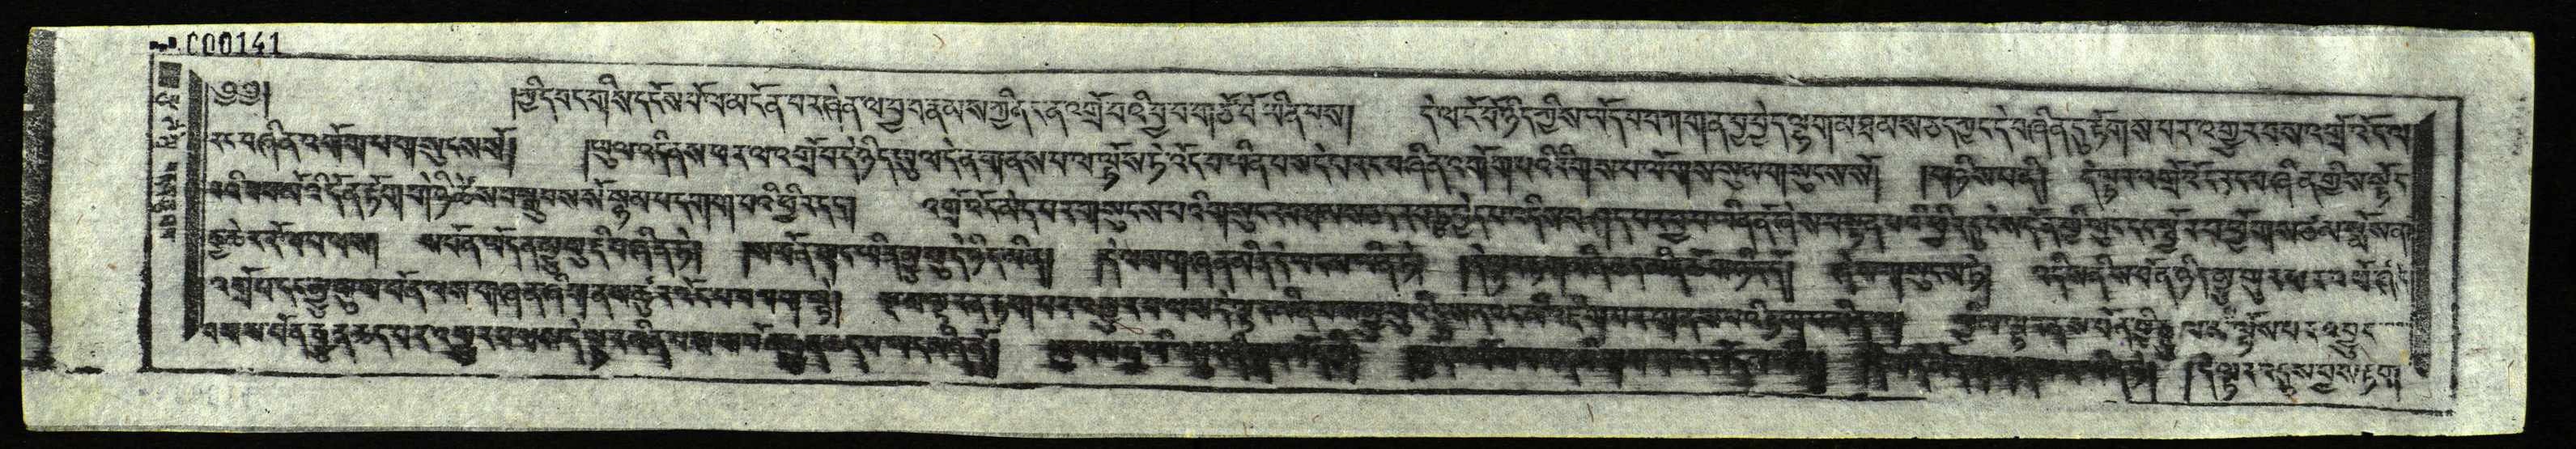༄༅། །ཀྱི་དབང་གིས་དངོས་པོ་ལ་མངོན་པར་ཞེན་ལ་བྱ་བ་རྣམས་ཀྱི་ནང་ན་འགྲོ་བའི་བྱ་བ་གཙོ་བོ་ཡིན་པས། དེ་ལ་ངོ་བོ་ཉིད་ཀྱིས་ཡོད་པ་བཀག་ན་བྱ་བྱེད་ལྷག་མ་ཐམས་ཅད་ཀྱང་དེ་བཞིན་དུ་རྟོགས་པར་འགྱུར་བས་འགྲོ་འོང་ལ་
རང་བཞིན་འགོག་པ་གསུངས་སོ། །ཡུལ་འདི་ནས་ཕར་ལ་འགྲོ་བ་དེ་ཉིད་ཡུལ་དེ་ན་གནས་པ་ལ་ལྟོས་ཏེ་འོང་བ་ཡིན་པས་དེ་ལ་རང་བཞིན་འགོག་པའི་རིགས་པ་ལོགས་སུ་མ་གསུངས་སོ། །གཉིས་པ་ནི། དེ་ལྟར་འགྲོ་འོང་རང་བཞིན་གྱིས་སྟོང་
བའི་ཟབ་མོའི་དོན་རྟོག་གེ་ཉི་ཚེས་བསྒྲུབས་སོ་སྙམ་པ་དགག་པའི་ཕྱིར་དང་། འགྲོ་འོང་མེད་པར་གསུངས་པའི་གསུང་རབ་ཐམས་ཅད་རབ་ཏུ་བྱེད་པ་འདིས་བཤད་པར་བྱ་བ་ཡིན་ནོ་ཞེས་བསྟན་པའི་ཕྱིར་དུ་ངེས་དོན་གྱི་ལུང་དང་སྦྱོར་བ་ཕྱོགས་ཙམ་སྨོས་ན་
རྒྱ་ཆེར་རོལ་པ་ལས། ས་བོན་ཡོད་ན་མྱུ་གུ་ཇི་བཞིན་ཏེ། །ས་བོན་གང་ཡིན་མྱུ་གུ་དེ་ཉིད་མིན། །དེ་ལས་གཞན་མིན་དེ་ཡང་མ་ཡིན་ཏེ། །དེ་ལྟར་རྟག་མིན་ཆད་མིན་ཆོས་ཉིད་དོ། ཞེས་གསུངས་ཏེ། འདིས་ནི་ས་བོན་ཉིད་མྱུ་གུར་ཕར་འཕོ་ཞིང་
འགྲོ་པ་དང་མྱུ་གུ་ས་བོན་ལས་གཞན་ཞིག་ནས་ཚུར་འོང་པ་བཀག་སྟེ། སྔ་མ་ལྟར་ན་རྟག་པར་འགྱུར་བ་ལས་དེ་ལྟར་ཡིན་པས་མྱུ་གུའི་དུས་ནའང་མི་འཇིག་པར་གནས་པའི་རྟག་པ་ཡིན་ལ། ཕྱིས་ལྟར་ན་ས་བོན་གྱི་རྒྱུ་ལ་མི་ལྟོས་པར་འབྱུང་
བས་ས་བོན་རྒྱུན་ཆད་བར་འགྱུར་བ་ལས་དེ་ལྟར་མིན་པས་ས་བོན་རྒྱུན་ཆད་པ་ཡང་ཡིན་ནོ། །རྒྱ་ལས་རྒྱ་ཡི་འབུར་ནི་སྣང་མོད་ཀྱི། །རྒྱ་དེ་འཕོས་པར་དམིགས་པའང་ཡོད་མ་ཡིན། །དེ་ལ་དེ་མེད་གཞན་ལ་མ་ཡིན་ཏེ། །དེ་ལྟར་འདུས་བྱས་རྟག་